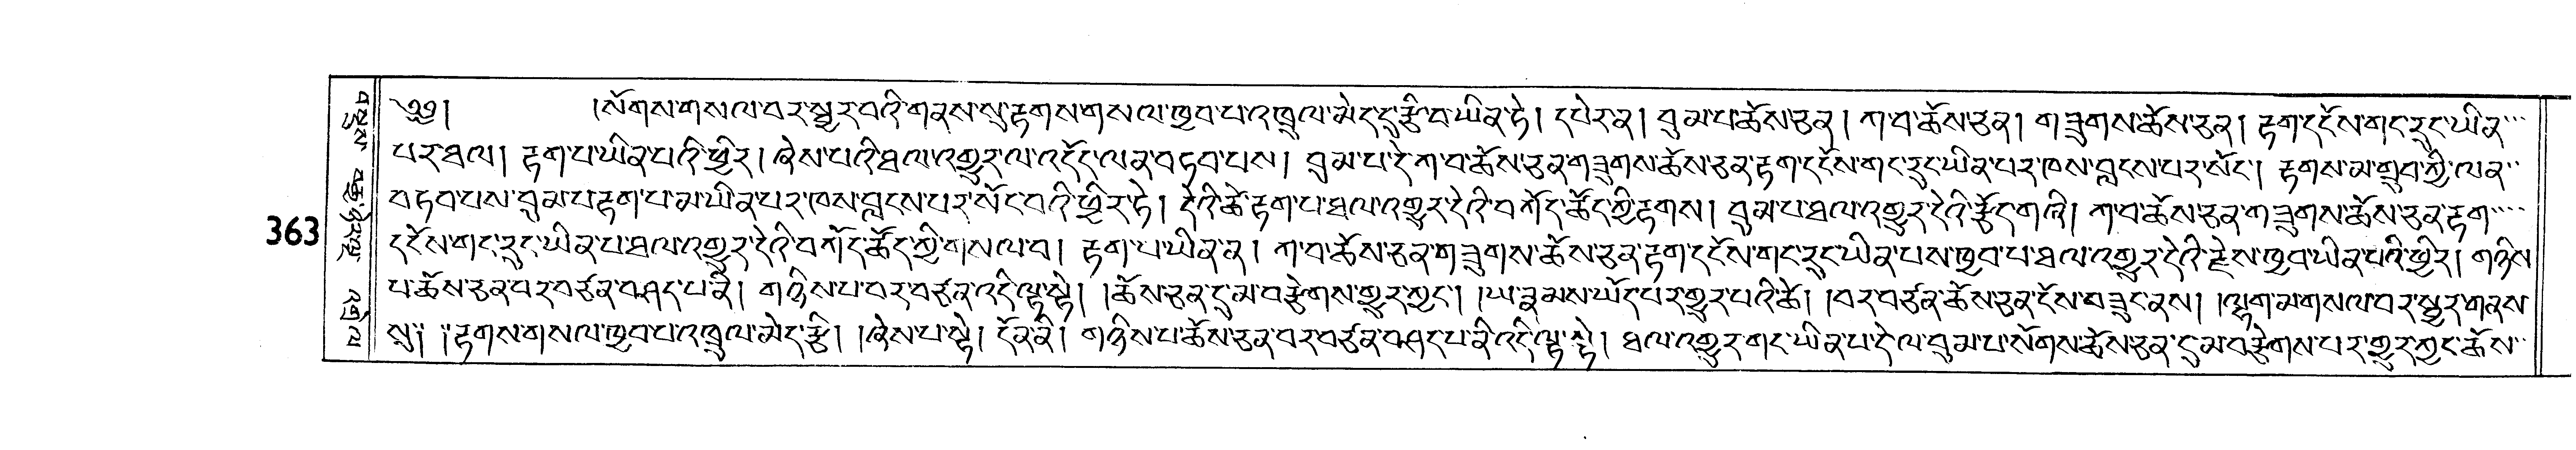༄༅། །སོགས་གསལ་བར་སྦྱར་བའི་གནས་སུ་རྟགས་གསལ་ཁྱབ་པ་འཁྲུལ་མེད་དུ་རྩི་བ་ཡིན་ཏེ། དཔེར་ན། བུམ་པ་ཆོས་ཅན། ཀ་བ་ཆོས་ཅན། གཟུགས་ཆོས་ཅན། རྟག་དངོས་གང་རུང་ཡིན་
པར་ཐལ། རྟག་པ་ཡིན་པའི་ཕྱིར། ཞེས་པའི་ཐལ་འགྱུར་ལ་འདོད་ལན་བཏབ་པས། བུམ་པ་དེ་ཀ་བ་ཆོས་ཅན་གཟུགས་ཆོས་ཅན་རྟག་དངོས་གང་རུང་ཡིན་པར་ཁས་བླངས་པར་སོང་། རྟགས་མ་གྲུབ་ཀྱི་ལན་
བཏབ་པས་བུམ་པ་རྟག་པ་མ་ཡིན་པར་ཁས་བླངས་པར་སོང་བའི་ཕྱིར་ཏེ། དེའི་ཚེ་རྟག་པ་ཐལ་འགྱུར་དེའི་བཀོད་ཚོད་ཀྱི་རྟགས། བུམ་པ་ཐལ་འགྱུར་དེའི་རྩོད་གཞི། ཀ་བ་ཆོས་ཅན་གཟུགས་ཆོས་ཅན་རྟག་
བཏབ་པས་བུམ་པ་རྟག་པ་མ་ཡིན་པར་ཁས་བླངས་པར་སོང་བའི་ཕྱིར་ཏེ། དེའི་ཚེ་རྟག་པ་ཐལ་འགྱུར་དེའི་བཀོད་ཚོད་ཀྱི་རྟོགས། བུམ་པ་ཐལ་འགྱུར་དེའི་རྩོད་གཞི། ཀ་བ་ཆོས་ཅན་གཟུགས་ཆོས་ཅན་རྟག་
དངོས་གང་རུང་ཡིན་པ་ཐལ་འགྱུར་དེའི་བཀོད་ཚོད་ཀྱི་གསལ་བ། རྟག་པ་ཡིན་ན། ཀ་བ་ཆོས་ཅན་གཟུགས་ཆོས་ཅན་རྟག་དངོས་གང་རུང་ཡིན་པས་ཁྱབ་པ་ཐལ་འགྱུར་དེའི་རྗེས་ཁྱབ་ཡིན་པའི་ཕྱིར། གཉིས་
པ་ཆོས་ཅན་བར་བཙན་བཤད་པ་ནི། གཉིས་པ་བར་བཙན་འདི་ལྟ་སྟེ། །ཆོས་ཅན་དུ་མ་བརྩེགས་གྱུར་ཀྱང་། །ཡ་རྣམས་ཡོད་པར་གྱུར་པའི་ཚེ། །བར་བཙན་ཆོས་ཅན་ངོས་བཟུང་ནས། །ལྷག་མ་གསལ་བར་སྦྱར་གནས་
སུ༑ ༑རྟགས་གསལ་ཁྱབ་པ་འཁྲུལ་མེད་རྩེ། །ཞེས་པ་སྟེ། དོན་ནི། གཉིས་པ་ཆོས་ཅན་བར་བཙན་བཤད་པ་ནི་འདི་ལྟ་སྟེ། ཐལ་འགྱུར་གང་ཡིན་པ་དེ་ལ་བུམ་པ་སོགས་ཆོས་ཅན་དུ་མ་བརྩེགས་པར་གྱུར་ཀྱང་ཆོས་